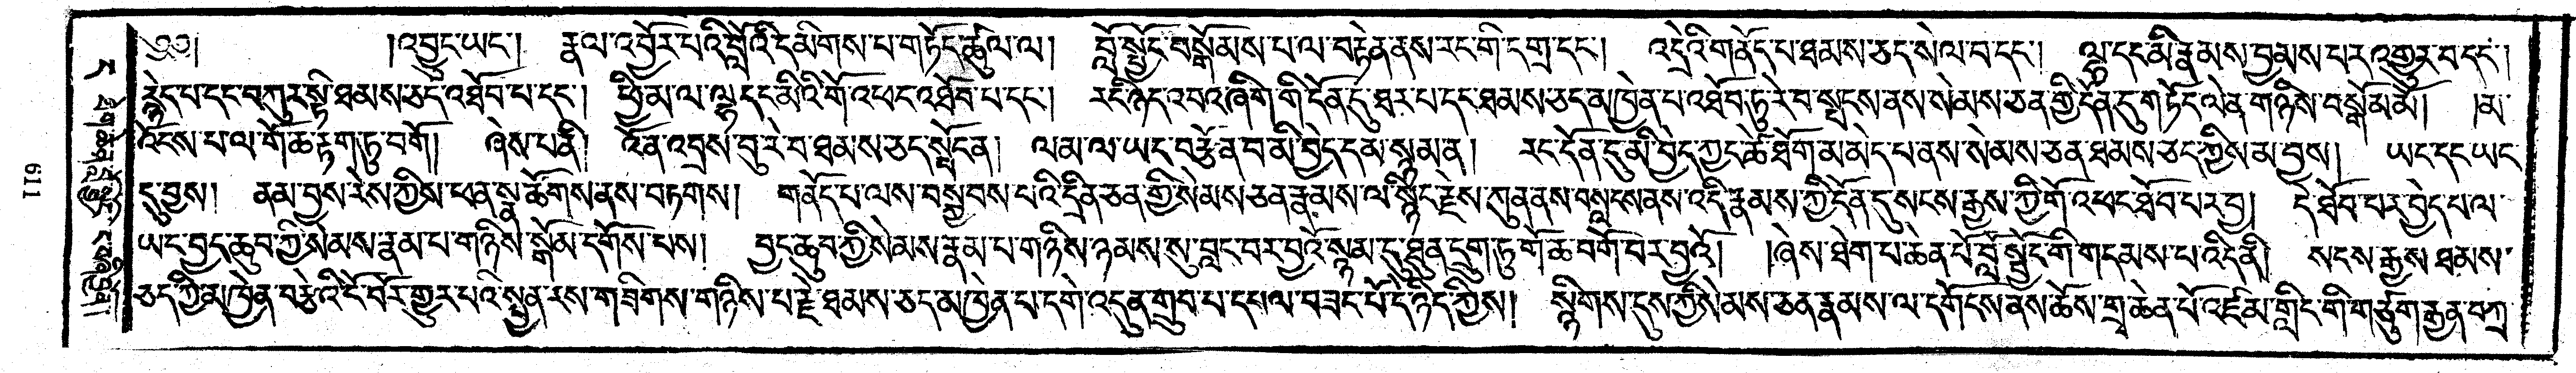༄༅། །འབྱུང་ཡང་། རྣལ་འབྱོར་པའི་བློའི་དམིགས་པ་གཏོད་ཚུལ་ལ། བློ་སྦྱོང་བསྒོམས་པ་ལ་བརྟེན་ནས་རང་གི་དགྲ་དང་། འདྲེའི་གནོད་པ་ཐམས་ཅད་སེལ་བ་དང་། ལྷ་དང་མི་རྣམས་བྱམས་པར་འགྱུར་བ་དང་།
རྙེད་པ་དང་བཀུར་སྟི་ཐམས་ཅད་འཐོབ་པ་དང་། ཕྱི་མ་ལ་ལྷ་དང་མིའི་གོ་འཕང་འཐོབ་པ་དང་། རང་ཉིད་འབའ་ཞིག་གི་དོན་དུ་ཐར་པ་དང་ཐམས་ཅད་མཁྱེན་པ་འཐོབ་ཏུ་རེ་བ་སྤངས་ནས་སེམས་ཅན་གྱི་དོན་དུ་གཏོང་ལེན་གཉིས་བསྒོམ་མོ། །མ་
འོངས་པ་ལ་གོ་ཆ་རྟག་ཏུ་བགོ། ཞེས་པ་ནི། འོ་ན་འབྲས་བུ་རེ་བ་ཐམས་ཅད་སྤོང་ན། ལམ་ལ་ཡང་བརྩོན་བ་མི་བྱེད་དམ་སྙམ་ན། རང་དོན་དུ་མི་བྱེད་ཀྱང་ཚེ་ཐོག་མ་མེད་པ་ནས་སེམས་ཅན་ཐམས་ཅད་ཀྱིས་མ་བྱས། ཡང་དང་ཡང་
དུ་བྱས། ནམ་བྱས་རེས་ཀྱིས་ཕན་སྣ་ཚོགས་ནས་བཏགས། གནོད་པ་ལས་བསྐྱབས་པའི་དྲིན་ཅན་གྱི་སེམས་ཅན་རྣམས་ལ་སྙིང་རྗེས་ཀུན་ལས་བསླངས་ནས་འདི་རྣམ་ཀྱི་དོན་དུ་སངས་རྒྱས་ཀྱི་གོ་འཕང་ཐོབ་པར་བྱ། དེ་ཐོབ་པར་བྱེད་པ་ལ་
ཡང་བྱང་ཆུབ་ཀྱི་སེམས་རྣམ་པ་གཉིས་སྒོམ་དགོས་པས། བྱང་ཆུབ་ཀྱི་སེམས་རྣམ་པ་གཉིས་ཉམས་སུ་བླང་བར་བྱའོ་སྙམ་དུ་ཐུན་དྲུག་ཏུ་གོ་ཆ་བགོ་བར་བྱའོ། །ཞེས་ཐེག་པ་ཆེན་པོ་བློ་སྦྱོང་གི་གདམས་པ་འདི་ནི། སངས་རྒྱས་ཐམས་
ཅད་ཀྱི་མཁྱེན་བརྩེའི་ངོ་བོར་གྱུར་པའི་སྤྱན་རས་གཟིགས་གཉིས་པ་རྗེ་ཐམས་ཅད་མཁྱེན་པ་དགེ་འདུན་གྲུབ་པ་དཔལ་བཟང་པོ་དེ་ཉིད་ཀྱིས། སྙིགས་དུས་ཀྱི་སེམས་ཅན་རྣམས་ལ་དགོངས་ནས་ཆོས་གྲྭ་ཆེན་པོ་འཛམ་གླིང་གི་གཙུག་རྒྱན་བཀྲ་